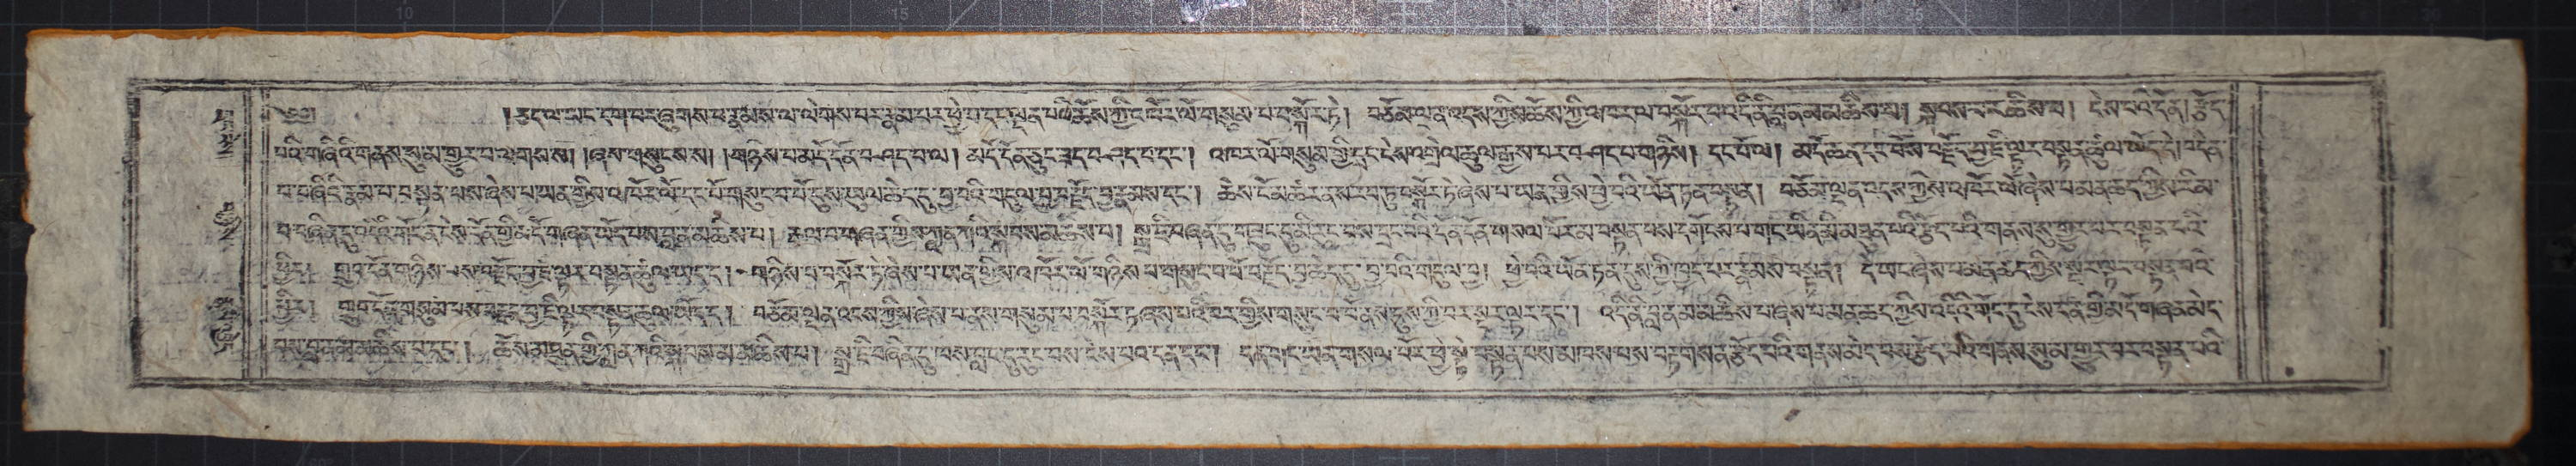༄༅། ཅད་ལ་ཡང་དག་པར་ཞུགས་པ་རྣམས་ལ་ལེགས་པར་རྣམ་པར་ཕྱེ་བ་དང་ལྡན་པའི་ཆོས་ཀྱི་འཁོར་ལོ་གསུམ་པ་བསྐོར་ཏེ། བཅོམ་ལྡན་འདས་ཀྱིས་ཆོས་ཀྱི་འཁོར་ལོ་བསྐོར་བ་འདི་ནི་བླ་ན་མ་མཆིས་པ། སྐབས་མ་མཆིས་པ། ངེས་པའི་དོན། རྩོད་
པའི་གཞིའི་གནས་སུ་མ་གྱུར་པ་ལགས་སོ། །ཞེས་གསུངས་སོ། །གཉིས་པ་མདོ་དོན་བཤད་པ་ལ། མདོ་དོན་ཅུང་ཟད་བཤད་པ་དང་། འཁོར་ལོ་གསུམ་གྱི་དྲང་ངེས་འགྲེལ་ཚུལ་རྒྱས་པར་བཤད་པ་གཉིས། དང་པོ་ལ། མདོ་ཚན་དང་པོས་བརྗོད་བྱ་ཇི་ལྟར་བསྟན་ཚུལ་ཡོད་དེ། བདེན་
པ་བཞིའི་རྣམ་པ་བསྟན་པས་ཞེས་པ་ཡན་གྱིས་འཁོར་ལོ་དང་པོ་གསུང་བ་པོ་དུས་ཡུལ་ཆེད་དུ་བྱ་བའི་གདུལ་བྱ་བརྗོད་བྱ་རྣམས་དང་། ཆེས་ངོ་མཚར་ནས་རབ་ཏུ་བསྐོར་ཏེ་ཞེས་པ་ཡན་གྱིས་བྱེ་བའི་ཡོན་ཏན་བསྟན། བཅོམ་ལྡན་འདས་ཀྱིས་འཁོར་ལོ་ཞེས་པ་མན་ཆད་ཀྱིས་རིམ་
པ་བཞིན་དུ་འདིའི་གོང་ན་ངེས་དོན་གྱི་མདོ་གཞན་ཡོད་པས་བླ་ན་མཆིས་པ། རྒོལ་བ་གཞན་གྱིས་ཀླན་ཀའི་སྐབས་མཆིས་པ། སྒྲ་ཇི་བཞིན་དུ་གཟུང་དུ་མི་རུང་བས་དྲང་བའི་དོན་དོན་གསལ་པོར་མ་བསྟན་པས་དགོངས་པ་གང་ཡིན་མི་མཐུན་པའི་རྩོད་པའི་གནས་སུ་གྱུར་པར་བསྟན་པའི་
ཕྱིར། གྲུབ་དོན་གཉིས་པས་བརྗོད་བྱ་ཇི་ལྟར་བསྟན་ཚུལ་ཡོད་དེ། གཉིས་པ་བསྐོར་ཏེ་ཞེས་པ་ཡན་གྱིས་འཁོར་ལོ་གཉིས་པ་གསུང་བ་པོ་བརྗོད་བྱ་ཆེད་དུ་བྱ་བའི་གདུལ་བྱ། ཕྱེ་བའི་ཡོན་ཏན་དུས་ཀྱི་ཁྱད་པར་རྣམས་བསྟན། དེ་ཡང་ཞེས་པ་མན་ཆད་ཀྱིས་སྔར་ལྟར་བསྟན་པའི་
ཕྱིར། གྲུབ་དོན་གསུམ་པས་བརྗོད་བྱ་ཇི་ལྟར་བསྟན་ཚུལ་ཡོད་དེ། བཅོམ་ལྡན་འདས་ཀྱིས་ཞེས་པ་ནས་གསུམ་པ་བསྐོར་ཏེ་ཞེས་པའི་བར་གྱིས་གསུང་བ་པོ་ནས་དུས་ཀྱི་བར་སྔར་ལྟར་དང་། འདི་ནི་བླ་ན་མ་མཆིས་པ་ཞེས་པ་མན་ཆད་ཀྱིས་འདིའི་གོང་དུ་ངེས་དོན་གྱི་མདོ་གཞན་མེད་
པས་བླ་ན་མ་མཆིས་པ་དང་། ཆོས་མཐུན་གྱི་ཀླན་ཀའི་སྐབས་མ་མཆིས་པ། སྒྲ་ཇི་བཞིན་དུ་ཁས་བླང་དུ་རུང་བས་ངེས་པའི་དོན་དང་། དོན་གང་ཡིན་གསལ་པོར་ཕྱེ་སྟེ་བསྟན་པས་མཁས་པས་བརྟགས་ན་རྩོད་པའི་གནས་མེད་པས་རྩོད་པའི་གནས་སུ་མ་གྱུར་པར་བསྟན་པའི་